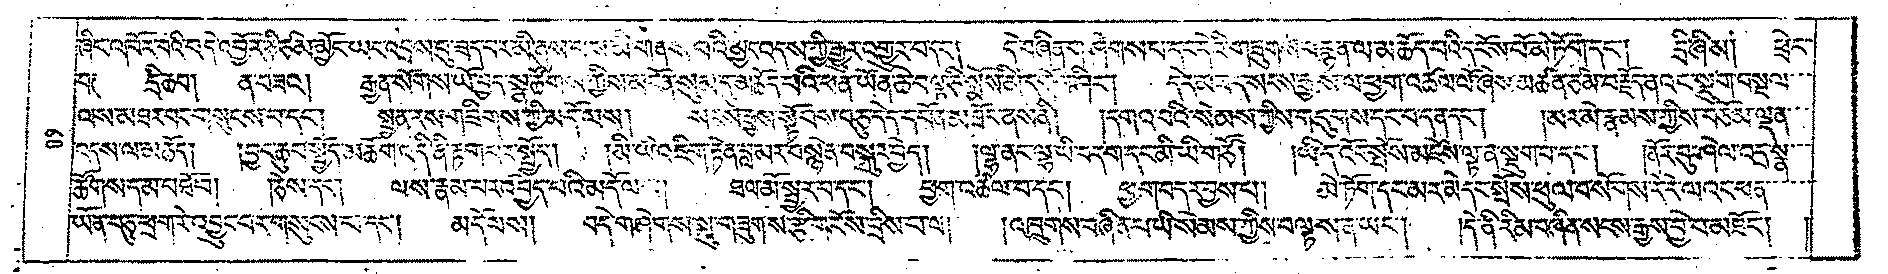ཞིང་འཁོར་བའི་བདེ་འབྱོར་ཅི་ཙམ་མྱོང་ཡང་འབྲས་བུ་ཟད་པར་མི་ནུས་པས་མི་གནས་པའི་མྱང་འདས་ཀྱི་རྒྱུར་འགྱུར་བ་དང་། དེ་བཞིན་གཤེགས་པ་དང་དེའི་གཟུགས་བརྙན་ལ་མཆོད་པའི་དངོས་པོ་མེ་ཏོག་དང་། དྲི་ཞིམ། ཕྲེང་
པ། དྲི་ཆབ། ན་བཟའ། རྒྱན་སོགས་ཡོ་བྱད་སྣ་ཚོགས་ཀྱིས་མངོན་སུམ་དུ་མཆོད་པའི་ཕན་ཡོན་ཆེ་བ་ལྟ་ཅི་སྨོས་མི་དགོས་ཤིང་། དེར་མ་ཟད་སངས་རྒྱས་ལ་ཕྱག་འཚལ་ལོ་ཞེས་མཚན་ཙམ་བརྗོད་ནའང་སྡུག་བསྔལ་
ལས་མཐར་པར་གསུངས་པ་དང་། སྤྱན་རས་གཟིགས་ཀྱི་མདོ་ལས། སངས་རྒྱས་སྟོབས་བཅུ་དེད་དཔོན་མཐོང་ནས་ནི། །དགའ་བའི་སེམས་ཀྱིས་གདུགས་དང་བ་དན་དང་། །མར་མེ་རྣམས་ཀྱིས་བཅོམ་ལྡན་
འདས་ལ་མཆོད། །བྱང་ཆུབ་སྤྱོད་མཆོག་འདི་ནི་རྟག་པར་སྤྱོད། །མི་ཡི་འཇིག་རྟེན་བླ་མར་བསྙེན་བསྐུར་བྱེད། །ལྷ་ནང་ལྷ་ཡི་བདག་དང་མི་ཡི་གཙོ། །ཡིད་འོང་སྤོས་མཛེས་ལྟ་ན་སྡུག་པ་དང་། །ནོར་བུ་ཤེལ་འདྲ་སྣ་
ཚོགས་དམ་པ་ཐོབ། །ཅེས་དང་། ལས་རྣམ་པར་འབྱེད་པའི་མདོ་ལས། ཐལ་མོ་སྦྱར་བ་དང་། ཕྱག་འཚལ་བ་དང་། ཕྱག་བདར་བྱས་པ། མེ་ཏོག་དང་མར་མེ་དང་སྤོས་ཕུལ་བ་སོགས་རེ་རེ་ལའང་ཕན་
ཡོན་བཅུ་ཕྲག་རེ་འབྱུང་བར་གསུངས་པ་དང་། མདོ་ལས། བདེ་གཤེགས་སྐུ་གཟུགས་རྩིག་ངོས་བྲིས་པ་ལ། །འཁྲུགས་བཞིན་པ་ཡི་སེམས་ཀྱིས་བལྟས་ན་ཡང་། །དེ་ནི་རིམ་བཞིན་སངས་རྒྱས་བྱེ་བ་མཐོང་། །